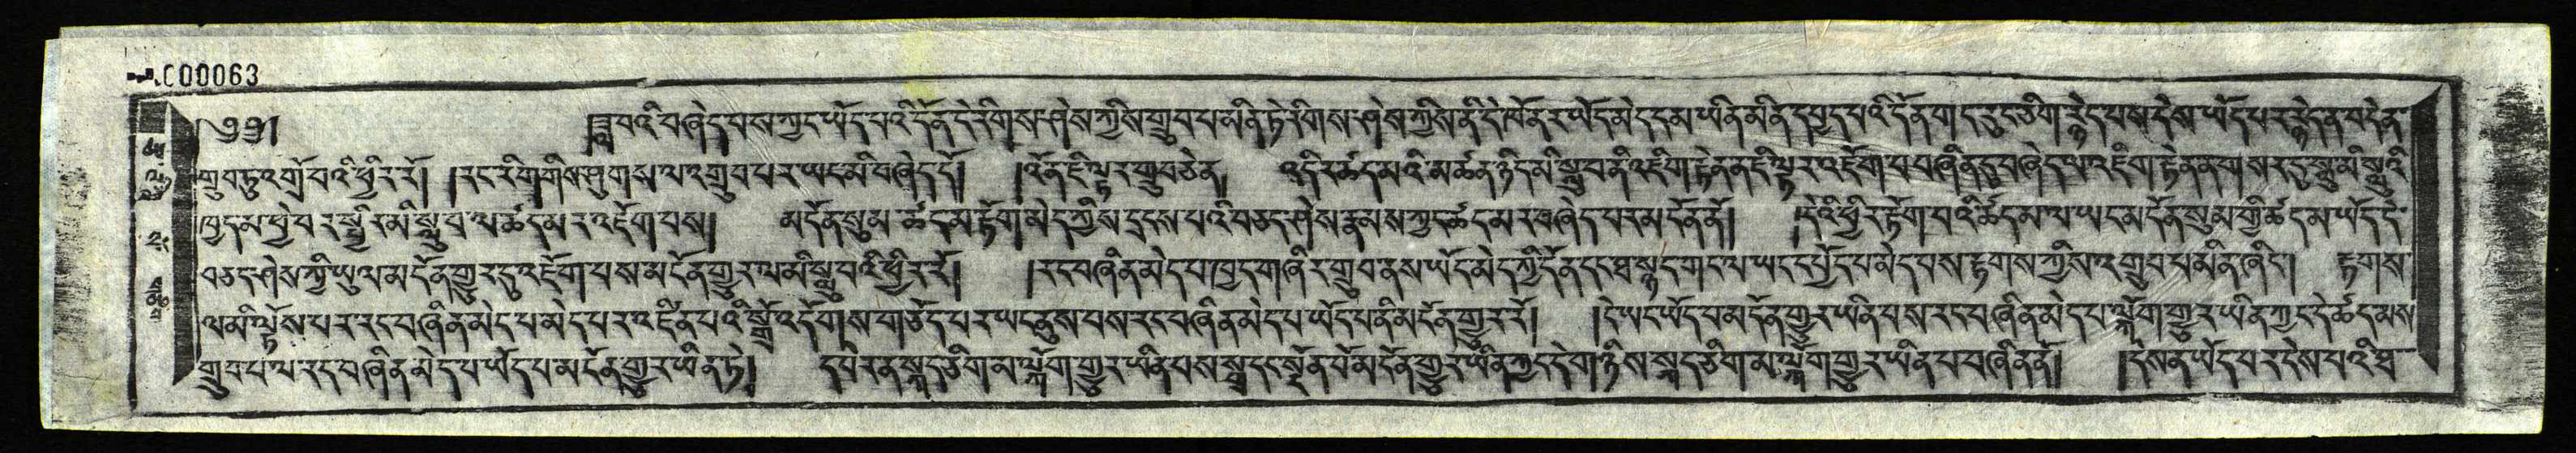༄༅། །ཟླ་བའི་བཞེད་པས་ཀྱང་ཡོད་པའི་དོན་དེ་རིགས་ཤེས་ཀྱིས་གྲུབ་པ་མིན་ཏེ་རིགས་ཤེས་ཀྱིས་ནི་དེ་ཁོ་ནར་ཡོད་མེད་དམ་ཡིན་མིན་དཔྱད་པའི་དོན་གང་རུང་ཅིག་རྙེད་པས་དེས་ཡོད་པར་རྙེད་ན་བདེན་
གྲུབ་ཏུ་འགྲོ་བའི་ཕྱིར་རོ། །རང་རིག་གིས་ཤུགས་ལ་འགྲུབ་པར་ཡང་མི་བཞེད་དོ། །འོ་ན་ཇི་ལྟར་གྲུབ་ཅེ་ན། འདིར་ཚད་མའི་མཚན་ཉིད་མི་སྒྲུབ་ནི་འཇིག་རྟེན་ན་ཇི་ལྟར་འཇོག་པ་བཞིན་དུ་བཞེད་ལ་འཇིག་རྟེན་ན་གསར་དུ་སླུ་མི་སླུའི་
ཁྱད་མ་ཕྱེ་བར་སྤྱིར་མི་སླུ་བ་ལ་ཚད་མར་འཇོག་པས། མངོན་སུམ་ཚད་མ་རྟོག་མེད་ཀྱིས་དྲངས་པའི་བཅད་ཤེས་རྣམས་ཀྱང་ཚད་མར་བཞེད་པར་མངོན་ནོ། །དེའི་ཕྱིར་རྟོག་པའི་ཚད་མ་ལ་ཡང་མངོན་སུམ་གྱི་ཚད་མ་ཡོད་དེ་
བཅད་ཤེས་ཀྱི་ཡུལ་མངོན་གྱུར་དུ་འཇོག་པས་མངོན་གྱུར་ལ་མི་སླུ་བའི་ཕྱིར་རོ། །རང་བཞིན་མེད་པ་ཁྱད་གཞིར་གྲུབ་ནས་ཡོད་མེད་ཀྱི་དོན་དང་ཐ་སྙད་གང་ལ་ཡང་དཔྱོད་པ་མེད་པས་རྟགས་ཀྱིས་འགྲུབ་པ་མིན་ཞིང་། རྟགས་
ལ་མི་ལྟོས་པར་རང་བཞིན་མེད་པ་མེད་པར་འཛིན་པའི་སྒྲོ་འདོགས་གཅོད་པར་ཡང་ནུས་པས་རང་བཞིན་མེད་པ་ཡོད་པ་ནི་མངོན་གྱུར་རོ། །དེ་ཡང་ཡོད་པ་མངོན་གྱུར་ཡིན་པས་རང་བཞིན་མེད་པ་ལྐོག་གྱུར་ཡིན་ཀྱང་དེ་ཚད་མས་
གྲུབ་པ་ལ་རང་བཞིན་མེད་པ་ཡོད་པ་མངོན་གྱུར་ཡིན་ཏེ། དཔེར་ན་སྐད་ཅིག་མ་ལྐོག་གྱུར་ཡིན་པས་སྒྲ་དང་སྔོན་པོ་མངོན་གྱུར་ཡིན་ཀྱང་དེ་གཉིས་སྐད་ཅིག་མ་ལྐོག་གྱུར་ཡིན་པ་བཞིན་ནོ། །དེས་ན་ཡོད་པར་ངེས་པའི་ཐ་